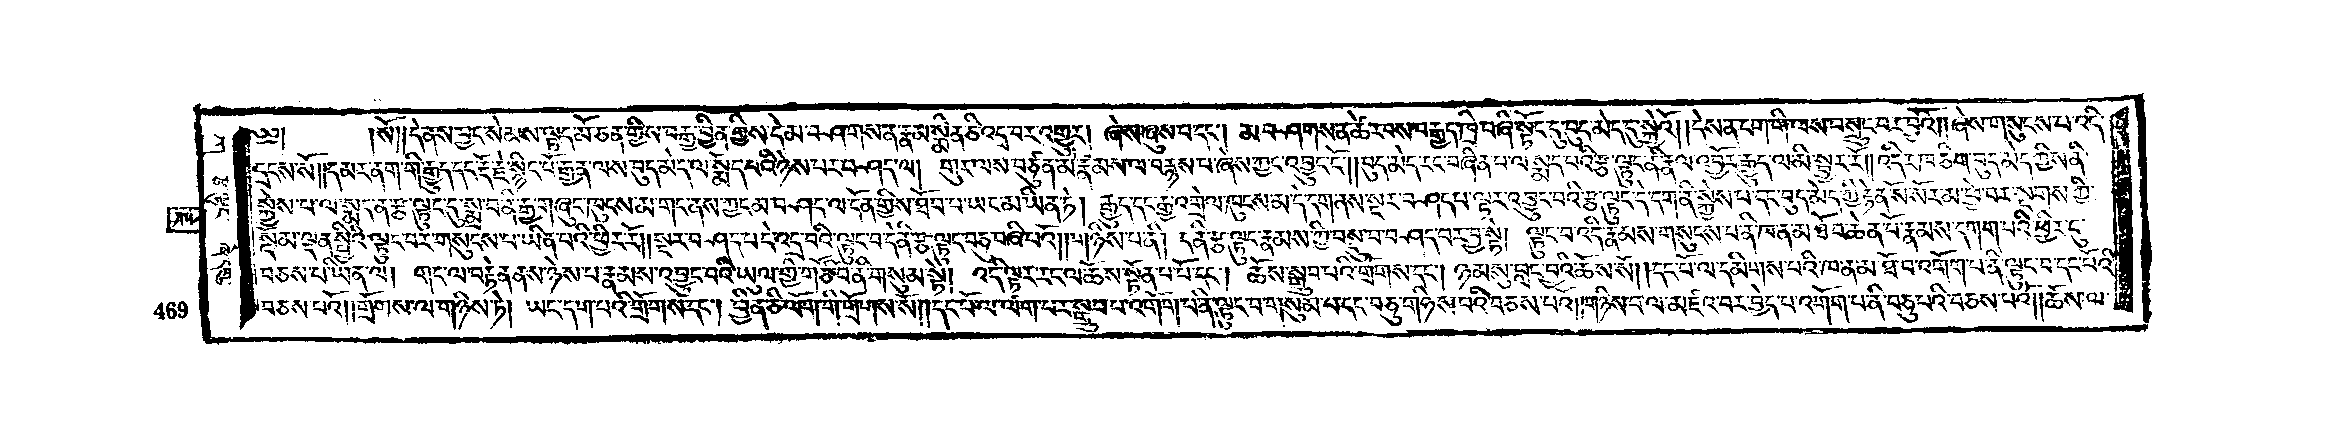༄༅། །སོ། །དེ་ནས་བྱང་སེམས་ལྟད་མོ་ཅན་གྱིས་བརྒྱ་བྱིན་གྱིས་དེ་མ་བཤགས་ན་རྣམ་སྨིན་ཅི་འདྲ་བར་འགྱུར། ཞེས་ཞུས་པ་དང་། མ་བཤགས་ན་ཚེ་རབས་བརྒྱད་ཁྲི་བཞི་སྟོང་དུ་བུད་མེད་དུ་སྐྱེའོ། །དེས་ན་ངག་གི་ལས་བསྲུང་བར་བྱའོ། །ཞེས་གསུངས་པ་འདི་
དྲངས་སོ། །དམར་ནག་གི་རྒྱུད་དང་རྡོ་རྗེ་སྙིང་པོ་རྒྱན་ལས་བུད་མེད་ལ་སྨོད་པའི་ཉེས་པར་བཤད་ལ། གུར་ལས་བཙུན་མེ་རྣམས་ལ་བརྙས་པ་ཞེས་ཀྱང་འབྱུང་ངོ། །བུད་མེད་རང་བཞིན་པ་ལ་སྨད་པའི་རྩ་ལྟུང་ནི་རྣལ་འབྱོར་རྒྱུད་ལ་མི་སྦྱར་རོ། །འདིར་ཁ་ཅིག་བུད་མེད་ཀྱིས་ནི་
སྐྱེས་པ་ལ་སྨད་ན་རྩ་ལྟུང་དུ་སྨྲ་བ་ནི་རྒྱ་གཞུང་ཁུངས་མ་གང་ནས་ཀྱང་མ་བཤད་ལ་དོན་གྱིས་ཐོབ་པ་ཡང་མ་ཡིན་ཏེ། རྒྱུད་དང་རྒྱ་འགྲེལ་ཁུངས་མ་དེ་དག་ནས་སྔར་བཤད་པ་ལྟར་འབྱུང་བའི་རྩ་ལྟུང་དེ་དག་ནི་སྐྱེས་པ་དང་བུད་མེད་ཀྱི་རྟེན་སོ་སོར་མ་ཕྱེ་བར་སྔགས་ཀྱི་
སྡོམ་ལྡན་སྤྱིའི་ལྟུང་བར་གསུངས་པ་ཡིན་པའི་ཕྱིར་རོ། །སྔར་བཤད་པ་དེ་འདྲ་བའི་ལྟུང་བ་དེ་ནི་རྩ་ལྟུང་བཅུ་བཞི་པའོ། །གཉིས་པ་ནི། ད་ནི་རྩ་ལྟུང་རྣམས་ཀྱི་བསྡུ་བ་བཤད་པར་བྱ་སྟེ། ལྟུང་བ་འདི་རྣམས་གསུངས་པ་ནི་ཁ་ན་མ་ཐོ་བ་ཆེན་པོ་རྣམས་དགག་པའི་ཕྱིར་དུ་
བཅས་པ་ཡིན་ལ། གང་ལ་བརྟེན་ནས་ཉེས་པ་རྣམས་འབྱུང་བའི་ཡུལ་གྱི་གཙོ་བོ་ནི་གསུམ་སྟེ། འདི་ལྟར་རང་ལ་ཆོས་སྟོན་པ་པོ་དང་། ཆོས་སྒྲུབ་པའི་གྲོགས་དང་། ཉམས་སུ་བླང་བྱའི་ཆོས་སོ། །དང་པོ་ལ་དམིགས་པའི་ཁ་ན་མ་ཐོ་བ་འགོག་པ་ནི་ལྟུང་བ་དང་པོའི་
བཅས་པའོ། །གྲོགས་ལ་གཉིས་ཏེ། ཡང་དག་པའི་གྲོགས་དང་། ཕྱིན་ཅི་ལོག་གི་གྲོགས་སོ། །དང་པོ་ལ་ལོག་པར་སྒྲུབ་པ་འགོག་པ་ནི་ལྟུང་བ་གསུམ་པ་དང་བཅུ་གཉིས་པའི་བཅས་པའོ། །གཉིས་པ་ལ་མཛའ་བར་བྱེད་པ་འགོག་པ་ནི་བཅུ་པའི་བཅས་པའོ། །ཆོས་ལ་